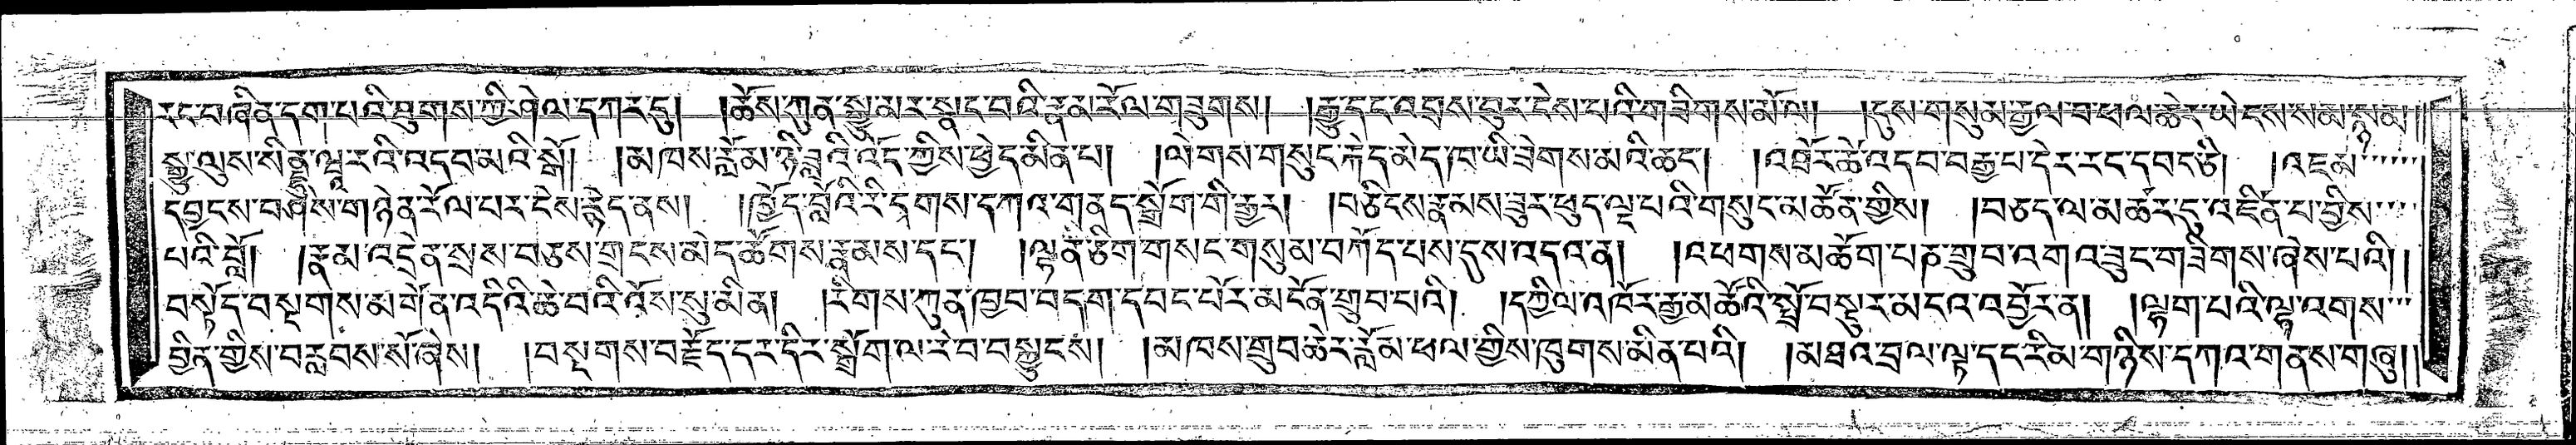རང་བཞིན་དག་པའི་ཐུགས་ཀྱི་ཤེལ་དཀར་དུ། །ཆོས་ཀུན་སྒྱུ་མར་སྣང་བའི་རྣམ་རོལ་གཟུགས། །རྒྱུ་དང་འབྲས་བུར་ངེས་པའི་གཟིགས་མོ་ལ། །དུས་གསུམ་རྒྱལ་བ་ཕལ་ཆེར་ཡེངས་སམ་སྙམ། །
སྒྱུ་ལུས་སིནྡྷུ་ཝཱ་རའི་འདབ་མའི་སྒོ། །མཁས་རློམ་ཉི་ཟླའི་འོད་ཀྱིས་ཕྱེད་མིན་པ། །ལེགས་གསུང་རྐེད་མེད་ཁ་ཡི་ཟེགས་མའི་ཆང་། །འཐོར་ཚེ་འདབ་བརྒྱ་པ་དེར་རང་དབང་ཅི། །འཇམ་
དབྱངས་བཤེས་གཉེན་རོལ་པར་ངེས་རྙེད་ནས། །ཁྱོད་བློའི་རི་དྭགས་དཀའ་གནད་སྒྲོག་གི་རྒྱར། །བཅིངས་རྣམས་ཟུར་ཕུད་ལྔ་པའི་གསུང་མཚོན་གྱིས། །བཅད་ལ་མཚར་དུ་འཛིན་པ་བྱིས་
པའི་བློ། །རྣམ་འདྲེན་སྲས་བཅས་གྲངས་མེད་ཚོགས་རྣམས་དང་། །ལྷན་ཅིག་གསང་གསུམ་བཀོད་པས་དུས་འདའ་ན། །འཕགས་མཆོག་པཎ་གྲུབ་འགའ་ཟུང་གཟིགས་ཞེས་པའི། །
བསྟོད་བསྔགས་མགོན་འདིའི་ཆེ་བའི་འོས་སུ་མིན། །རིགས་ཀུན་ཁྱབ་བདག་དབང་པོར་མངོན་གྲུབ་པའི། །དཀྱིལ་འཁོར་རྒྱ་མཚོའི་སྤྲོ་བསྡུར་མངའ་འབྱོར་ན། །ལྷག་པའི་ལྷ་འགས་
བྱིན་གྱིས་བརླབས་སོ་ཞེས། །བསྔགས་བརྗོད་དར་དིར་སྒྲོག་ལ་རེ་བ་བསྐྱུངས། །མཁས་གྲུབ་ཆེར་རློམ་ཕལ་གྱིས་ཁུགས་མིན་པའི། །མཐའ་བྲལ་ལྟ་དང་རིམ་གཉིས་དཀའ་གནས་གཞུ། །